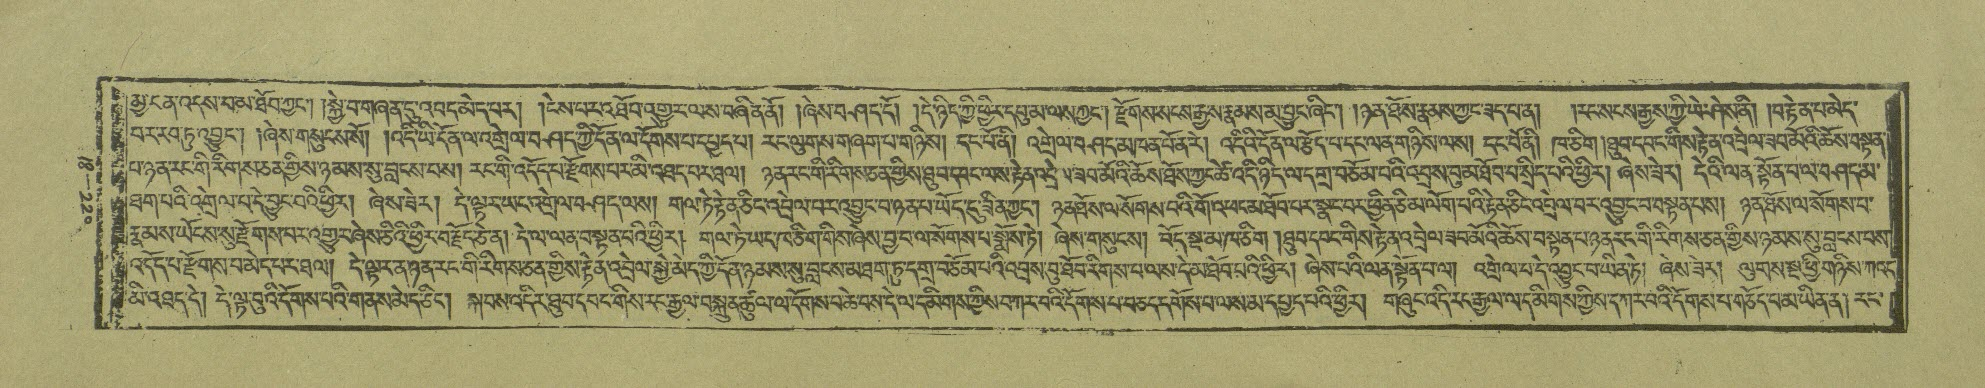མྱ་ངན་འདས་པ་མ་ཐོབ་ཀྱང་། །སྐྱེ་བ་གཞན་དུ་འབད་མེད་པར། །ངེས་པར་འཐོབ་འགྱུར་ལས་བཞིན་ནོ། །ཞེས་བཤད་དོ། །དེ་ཉིད་ཀྱི་ཕྱིར་དབུ་མ་ལས་ཀྱང་། རྫོགས་སངས་རྒྱས་རྣམས་མ་བྱུང་ཞིང་། །ཉན་ཐོས་རྣམས་ཀྱང་ཟད་པ་ན། །རང་སངས་རྒྱས་ཀྱི་ཡེ་ཤེས་ནི། །བརྟེན་པ་མེད་
བར་རབ་ཏུ་འབྱུང་། །ཞེས་གསུངས་སོ། །འདི་ཡི་དོན་ལ་འགྲེལ་བཤད་ཀྱི་དོན་ལ་དོགས་པ་དཔྱད་པ། རང་ལུགས་གཞག་པ་གཉིས། དང་པོ་ནི། འགྲེལ་བཤད་མཁན་པོ་ན་རེ། འདིའི་དོན་ལ་རྩོད་པ་དང་ལན་གཉིས་ལས། དང་པོ་ནི། ཁ་ཅིག །ཐུབ་དབང་གིས་རྟེན་འབྲེལ་ཟབ་མོའི་ཆོས་བསྟན་
པ་ཉན་རང་གི་རིགས་ཅན་གྱིས་ཉམས་སུ་བླངས་པས། རང་གི་འདོད་པ་རྫོགས་པར་མི་འཐད་པར་ཐལ། ཉན་རང་གི་རིགས་ཅན་གྱིས་ཐུབ་དབང་ལས་རྟེན་འབྲེལ་ཟབ་མོའི་ཆོས་ཐོས་ཀྱང་ཚེ་འདི་ཉིད་ལ་དགྲ་བཅོམ་པའི་འབྲས་བུ་མ་ཐོབ་པ་སྲིད་པའི་ཕྱིར། ཞེས་ཟེར། དེའི་ལན་སྟོན་པ་ལ་བཤད་མ་
ཐག་པའི་འགྲེལ་བ་དེ་བྱུང་བའི་ཕྱིར། ཞེས་ཟེར། དེ་ལྟར་ཡང་འགྲེལ་བཤད་ལས། གལ་ཏེ་རྟེན་ཅིང་འབྲེལ་བར་འབྱུང་བ་ཉན་པ་ཡོད་དུ་ཟིན་ཀྱང་། ཉན་ཐོས་ལ་སོགས་པའི་གོ་འཕང་མ་ཐོབ་པར་སྣང་བར་ཕྱིན་ཅི་མ་ལོག་པའི་རྟེན་ཅིང་འབྲེལ་བར་འབྱུང་བ་བསྟན་པས། ཉན་ཐོས་ལ་སོགས་པ་
རྣམས་ཡོངས་སུ་རྫོགས་པར་འགྱུར་ཞེས་ཅིའི་ཕྱིར་བརྗོད་ཅེ་ན། དེ་ལ་ལན་བསྟན་པའི་ཕྱིར། གལ་ཏེ་ཡང་ཁ་ཅིག་གིས་ཞེས་བྱ་བ་ལ་སོགས་པ་སྨོས་ཏེ། ཞེས་གསུངས། བོད་སྔ་མ་ཁ་ཅིག །ཐུབ་དབང་གིས་རྟེན་འབྲེལ་ཟབ་མོའི་ཆོས་བསྟན་པ་ཉན་རང་གི་རིགས་ཅན་གྱིས་ཉམས་སུ་བླངས་པས་
འདོད་པ་རྫོགས་པ་མེད་པར་ཐལ། དེ་ལྟར་ན་ཉན་རང་གི་རིགས་ཅན་གྱིས་རྟེན་འབྲེལ་སྐྱེ་མེད་ཀྱི་དོན་ཉམས་སུ་བླངས་མ་ཐག་ཏུ་དགྲ་བཅོམ་པའི་འབྲས་བུ་ཐོབ་རིགས་པ་ལས་དེ་མ་ཐོབ་པའི་ཕྱིར། ཞེས་པའི་ལན་སྟོན་པ་ལ། འགྲེལ་བ་དེ་འབྱུང་བ་ཡིན་ཏེ། ཞེས་ཟེར། ལུགས་སྔ་ཕྱི་གཉིས་ཀའང་
མི་འཐད་དེ། དེ་ལྟ་བུའི་དོགས་པའི་གནས་མེད་ཅིང་། སྐབས་འདིར་ཐུབ་དབང་གིས་རང་རྒྱལ་བསྐྲུན་ཚུལ་ལ་དོགས་པ་ཆེ་བས་དེ་ལ་དམིགས་ཀྱིས་བཀར་བའི་དོགས་པ་བཅད་དགོས་པ་ལ་སམ་དཔྱད་པའི་ཕྱིར། གཞུང་འདི་རང་རྒྱལ་ལ་དམིགས་ཀྱིས་དཀར་བའི་དོགས་པ་གཅོད་པ་མ་ཡིན་ན། རང་